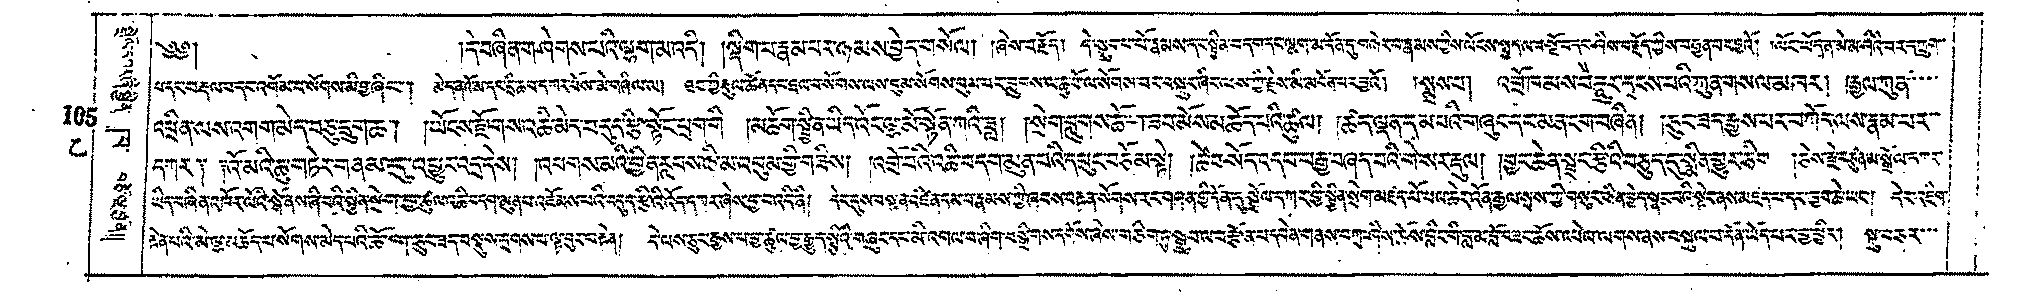༄༅། །དེ་བཞིན་གཤེགས་པའི་ལྷག་མ་འདི། །སྡིག་པ་རྣམ་པར་ཉམས་བྱེད་གསོལ། །ཞེས་བརྗོད། དེ་སྒྲུབ་པ་པོ་རྣམས་དང་སྦྱིན་བདག་དང་ལྷག་མ་དོན་དུ་གཉེར་བ་རྣམས་ཀྱིས་ལོངས་སྤྱད་ལ་བསྔོ་བ་དང་ཤིས་བརྗོད་ཀྱིས་བརྒྱན་པར་བྱའོ། །ལོང་ཡོད་ན་མེ་མ་ཤིའི་བར་དཀྲུག་་་
པ་དང་བརྡལ་བ་དང་འགོམ་པ་སོགས་མི་བྱ་ཞིང་། མེད་ན་འོ་མ་དང་དྲི་ཆབ་དཀར་པོས་མེ་གཞིལ་ལ། ཐབ་ཀྱི་རྡུལ་ཚོན་དང་ཐལ་བ་སོགས་ལས་བུམ་སོགས་བུམ་པར་བླུགས་ལ་ཆུ་བོ་ལ་སོགས་པར་བསྐུར་ཞིང་ལས་ཀྱི་རྗེས་མི་མངོན་པར་བྱའོ། །སྨྲས་པ། འགྲོ་ཁམས་བཻཌཱུ་དྭངས་པའི་ཀུན་གསལ་མཁར། །རྒྱལ་ཀུན་་་
འཕྲིན་ལས་འགག་མེད་བཅུ་དྲུག་ཆ། །ཡོངས་རྫོགས་འཆི་མེད་བདུད་རྩི་སྟོང་ཕྲག་གི །མཆོག་སྦྱིན་ཡིད་འོང་ལྷ་མོ་སྟོན་ཀའི་ཟླ། །སྲེག་བླུགས་ཆོ་ག་ཟབ་མོས་མཆོད་པའི་ཚུལ། །ཚད་ལྡན་དམ་པའི་གཞུང་དང་མན་ངག་བཞིན། །ཅུང་ཟད་རྒྱས་པར་བཀོད་ལས་རྣམ་པར་་་
དཀར༑ ༑འོ་མའི་ཆུ་གཏེར་གནམ་དུ་འཕྱུར་འདྲ་དེས། །འཕགས་མའི་བྱིན་རླབས་ཉི་མ་འབུམ་གྱི་གཟིས། །འགྲོ་བའི་འཆི་བདག་མུན་པའི་དཔུང་བཅོམ་སྟེ། །ཚེ་བསོད་འདབ་བརྒྱ་བཞད་པའི་གེ་སར་རྡུལ། །བྱང་ཆེན་སྦྲང་རྩིའི་བཅུད་དུ་སྨིན་གྱུར་ཅིག །ཅེས་རྗེ་བཙུན་མ་སྒྲོལ་དཀར་
ཡིད་བཞིན་འཁོར་ལོའི་སྒོ་ནས་ཞི་བའི་སྦྱིན་སྲེག་བྱ་ཚུལ་འཆི་བདག་མུན་པ་འཇོམས་པའི་བདུད་རྩིའི་འོད་དཀར་ཞེས་བྱ་བ་འདི་ནི། དེང་དུས་བསྟན་འཛིན་དམ་པ་རྣམས་ཀྱི་ཞབས་བརྟན་སོགས་རང་གཞན་གྱི་དོན་དུ་སྒྲོལ་དཀར་གྱིས་བྱིན་སྲེག་མཛད་པོ་ཕལ་ཆེར་འོན་རྒྱལ་སྲས་ཀྱི་གསུང་ཉིན་བྱེད་སྣང་བའི་སྟེང་ནས་མཛད་པ་དར་ཁྱབ་ཆེ་ཡང་། དེར་འཇིག་
རྟེན་པའི་མེ་ལྷ་མཆོད་པ་སོགས་མེད་པའི་ཆོ་ག་ཅུང་ཟད་བསྡུས་དྲགས་པ་ལྟ་བུར་བརྟེན། དེ་ལས་ཅུང་རྒྱས་པ་བྱ་ཚུལ་བྱ་རྒྱུད་སྤྱིའི་གཞུང་དང་མི་འགལ་བ་ཞིག་བསྒྲིགས་དགོས་ཞེས་གཅིག་ཏུ་སྒྲུབ་ལ་བརྩོན་པ་དབེན་གནས་བཀྲ་ཤིས་ཆོས་གླིང་གི་བླ་མ་བློ་བཟང་ཆོས་འཕེལ་ལགས་ནས་བསྐུལ་བ་དོན་ཡོད་པར་བྱ་ཕྱིར། སྐུ་བཅར་་་